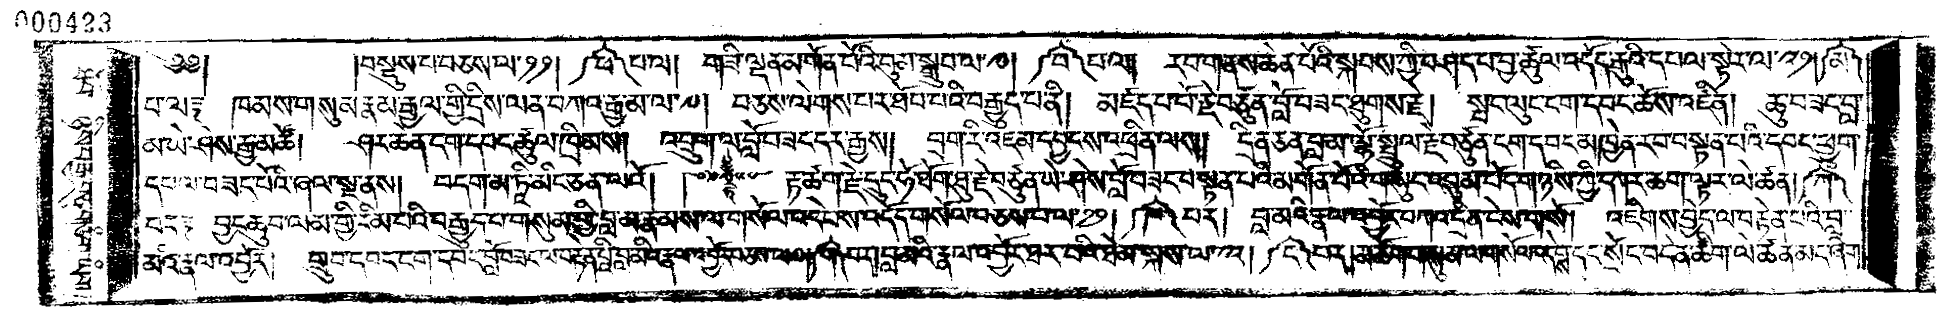༄༅། །བསྡུས་པ་བཅས་ལ ༡༡། ༼ཕ༽ པ་ལ། གཟི་ལྡན་མགོན་པོའི་བུམ་སྒྲུབ་ལ ༧། ༼བ༽ པ་ལ། རབ་གནས་ཆེན་པོའི་སྐབས་ཀྱི་བཤད་པ་བྱ་ཚུལ་འདོད་རྒུའི་དཔལ་སྟེར་ལ ༢༡། ༼མ༽
པ་ལ༑ ཁམས་གསུམ་རྣམ་རྒྱལ་གྱི་དྲིས་ལན་བཀའ་རྒྱ་མ་ལ ༧། བཅས་ལེགས་པར་ཐོབ་པའི་བརྒྱུད་པ་ནི། མཛད་པ་པོ་རྗེ་བཙུན་བློ་བཟང་ཐུགས་རྗེ། སྤང་ལུང་ངག་དབང་ཆོས་འཛིན། ཆུ་བཟང་བླ་
མ་ཡེ་ཤེས་རྒྱ་མཚོ། ཤར་ཆེན་ངག་དབང་ཚུལ་ཁྲིམས། འབྲུག་ལ་བློ་བཟང་དར་རྒྱས། བྲག་རི་འཇམ་དབྱངས་འཕྲིན་ལས། དྲིན་ཆན་བླ་མ་ལྷོ་སྤྲུལ་རྗེ་བཙུན་ངག་དབང་མཁྱེན་རབ་བསྟན་པའི་དབང་ཕྱུག་
དཔལ་བཟང་པོའི་ཞལ་སྔ་ནས། བདག་མ་ཏཱི་མིང་ཅན་ལའོ། །རྩ་ཚག་རྗེ་དྲུང་ཧོ་ཐོག་ཐུ་རྗེ་བཙུན་ཡེ་ཤེས་བློ་བཟང་བསྟན་པའི་མགོན་པོའི་གསུང་འབུམ་པོད་གཉིས་ཀྱི་དཀར་ཆག་ལྟར་ལེ་ཚན། ༼ཀ༽
པར༑ བྱང་ཆུབ་ལམ་གྱི་རིམ་པའི་བརྒྱུད་པ་གསུམ་གྱི་བླ་མ་རྣམས་ལ་གསོལ་འདེབས་འདོད་གསོལ་བཅས་པ་ལ ༡༡། ༼ཁ༽ པར། བླ་མའི་རྣལ་འབྱོར་བཀའ་དྲིན་ངེས་གསོ། འཇིགས་བྱེད་ལ་བརྟེན་པའི་བླ་
མའི་རྣལ་འབྱོར། གྲུབ་དབང་ངག་དབང་བློ་བཟང་ལ་བརྟེན་པའི་བླ་མའི་རྣལ་འབྱོར་བཅས་ལ ༧། ༼ག༽ པར། བླ་མའི་རྣལ་འབྱོར་ཐར་པའི་ཐེམ་སྐས་ལ ༡༢། ༼ང༽ པར། མཆོག་གསུམ་ལ་གསོལ་འདེབས་དྲང་སྲོང་བདེན་ཚིག་ལེ་ཚན་མང་ཞིག་